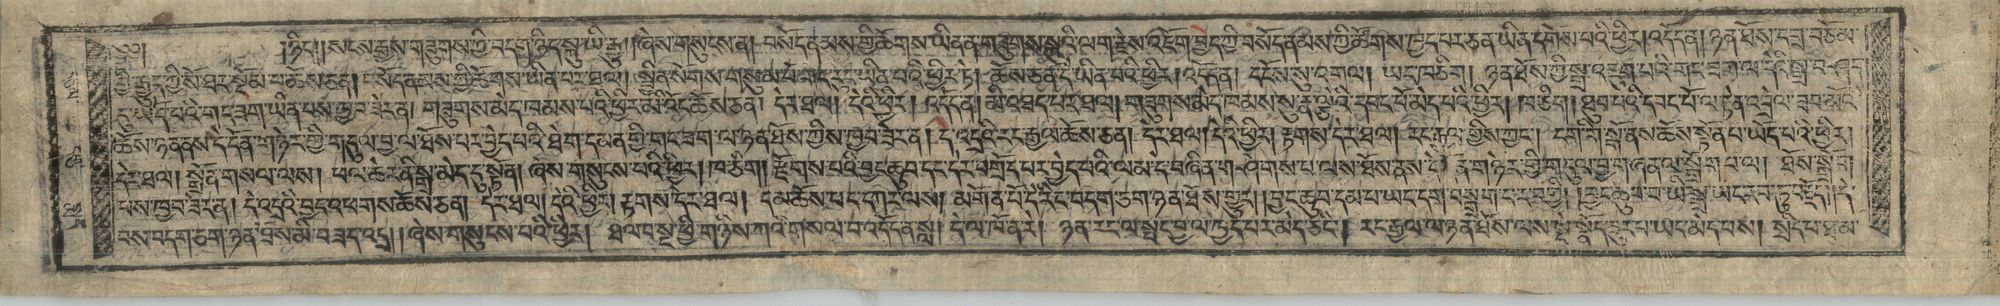༄༅། །ཉིད། །སངས་རྒྱས་གཟུགས་ཀྱི་བདག་ཉིད་སྐུ་ཡི་རྒྱུ། །ཞེས་གསུངས་ན། བསོད་ནམས་ཀྱི་ཚོགས་ཡིན་ན་གཟུགས་སྐུའི་ལག་རྗེས་འཇོག་བྱེད་ཀྱི་བསོད་ནམས་ཀྱི་ཚོགས་ཁྱད་པར་ཅན་ཡིན་དགོས་པའི་ཕྱིར། འདོད་ན། ཉན་ཐོས་དགྲ་བཅོམ་
གྱི་རྒྱུད་ཀྱི་སོ་ཐར་སྡོམ་པ་ཆོས་ཅན། བསོད་ནམས་ཀྱི་ཚོགས་ཡིན་པར་ཐལ། སྦྱིན་སོགས་གསུམ་པོ་གང་རུང་ཡིན་པའི་ཕྱིར་ཏེ། ཆོས་ཅན་དེ་ཡིན་པའི་ཕྱིར། འདོད་ན། དངོས་སུ་འགལ། ཡང་ཁ་ཅིག །ཉན་ཐོས་ཀྱི་སྒྲ་འཇུག་པའི་གང་ཟག་ལ་དེའི་སྒྲ་བཤད་
དུ་ཡོད་པའི་གང་ཟག་ཡིན་པས་ཁྱབ་ཟེར་ན། གཟུགས་མེད་ཁམས་པའི་ཕྱིར་མི་འོང་ཆོས་ཅན། དེར་ཐལ། དེའི་ཕྱིར། འདོད་ན། མི་འཐད་པར་ཐལ། གཟུགས་མེད་ཁམས་སུ་རྣ་ལྕེའི་དབང་པོ་མེད་པའི་ཕྱིར། ཁ་ཅིག །ཐུབ་པའི་དབང་པོ་ལ་རྟེན་འབྲེལ་ཟབ་མོའི་
ཆོས་ཉན་ནས་དེ་དོན་གཉེར་གྱི་གདུལ་བྱ་ལ་ཐོས་པར་བྱེད་པའི་ཐེག་དམན་གྱི་གང་ཟག་ལ་ཉན་ཐོས་ཀྱིས་ཁྱབ་ཟེར་ན། དེ་འདྲའི་རང་རྒྱལ་ཆོས་ཅན། དེར་ཐལ། དེའི་ཕྱིར། རྟགས་དེར་ཐལ། རང་རྒྱལ་གྱིས་ཀྱང་། ངག་གི་སྒོ་ནས་ཆོས་སྟོན་པ་ཡོད་པའི་ཕྱིར།
དེར་ཐལ། སྒྲོན་གསལ་ལས། ཕལ་ཆེར་ནི་སྒྲ་མེད་དུ་སྟོན། ཞེས་གསུངས་པའི་ཕྱིར། ཁ་ཅིག །རྫོགས་པའི་བྱང་ཆུབ་དང་དེར་བགྲོད་པར་བྱེད་པའི་ལམ་དེ་བཞིན་གཤེགས་པ་ལས་ཐོས་ནས་དེ་དོན་གཉེར་གྱི་གདུལ་བྱ་གཞན་ལ་སྒྲོག་པ་ལ། ཐོས་སྒྲོག་
པས་ཁྱབ་ཟེར་ན། དེ་འདྲའི་བྱང་འཕགས་ཆོས་ཅན། དེར་ཐལ། དེའི་ཕྱིར། རྟགས་དེར་ཐལ། དམ་ཆོས་པད་དཀར་ལས། མགོན་པོ་དེ་རིང་བདག་ཅག་ཉན་ཐོས་གྱུར། །བྱང་ཆུབ་དམ་པ་ཡང་དག་བསྒྲག་བར་བགྱི། །བྱང་ཆུབ་པ་ཡི་སྒྲ་ཡང་རབ་ཏུ་བརྗོད། །དེ་
བས་བདག་ཅག་ཉན་ཐོས་མི་བཟད་འདྲ། །ཞེས་གསུངས་པའི་ཕྱིར། ཐལ་བསྔ་ཕྱི་གཉིས་ཀའི་གསལ་བ་འདོད་ན་སླ། དེ་ལ་ཁོ་ན་རེ། ཉན་རང་ལ་སྤང་བྱ་ལ་ཁྱད་པར་མེད་ཅིང་། རང་རྒྱལ་ལ་ཉན་ཐོས་ལས་སྡེ་སྣོད་ཟུར་པ་ཡང་མེད་པས། སྲིད་པ་ཐ་མ་